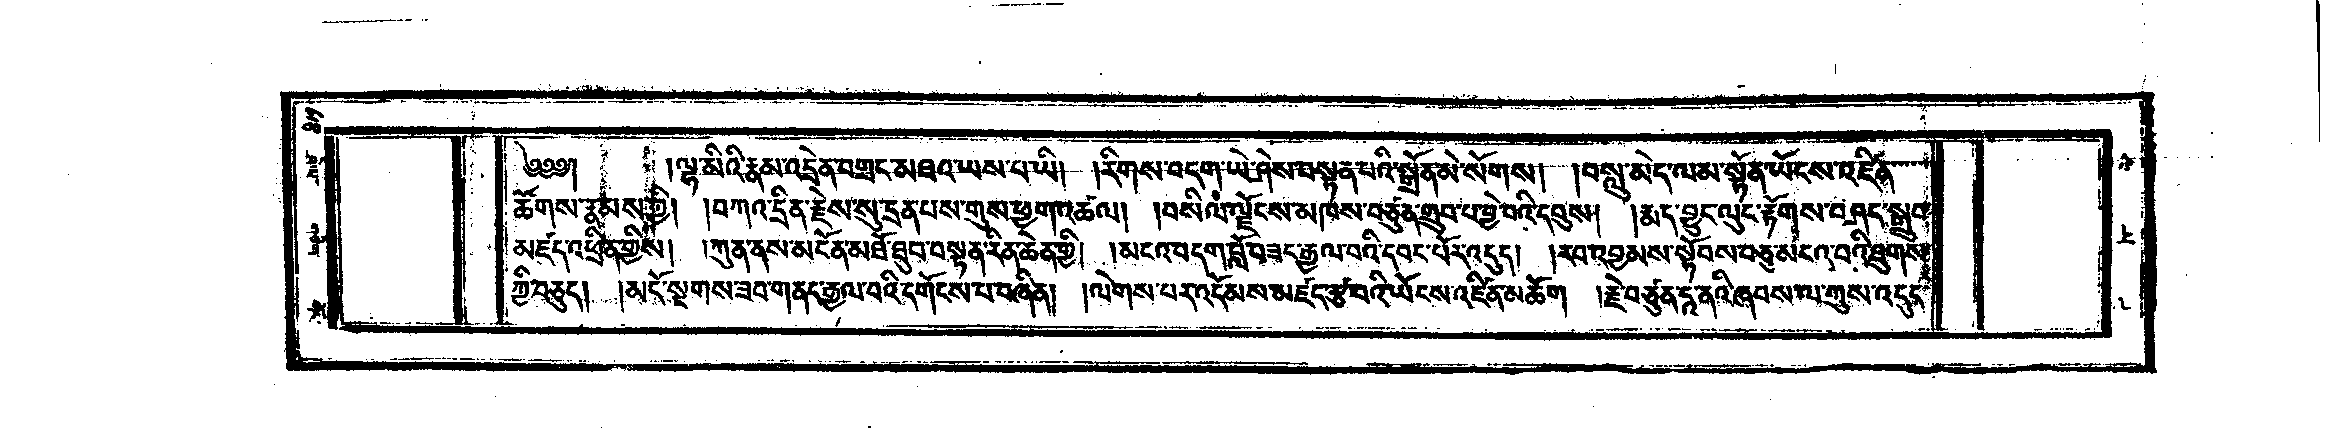༄༅༅། །ལྷ་མིའི་རྣམ་འདྲེན་བགྲང་མཐའ་ཡས་པ་ཡི། །རིགས་བདག་ཡེ་ཤེས་བསྟན་པའི་སྒྲོན་མེ་སོགས། །བསླུ་མེད་ལམ་སྟོན་ཡོངས་འཛིན་
ཚོགས་རྣམས་ཀྱི། །བཀའ་དྲིན་རྗེས་སུ་དྲན་པས་གུས་ཕྱག་འཚལ། །བསིལ་ལྗོངས་མཁས་བཙུན་གྲུབ་པ་བྱེ་བའི་དབུས། །རྨད་བྱུང་ལུང་རྟོགས་བཤད་སྒྲུབ་
མཛད་འཕྲིན་གྱིས། །ཀུན་ནས་མངོན་མཐོ་ཐུབ་བསྟན་རིན་ཆེན་གྱི། །མངའ་བདག་བློ་བཟང་རྒྱལ་བའི་དབང་པོར་འདུད། །རབ་འབྱམས་སྟོབས་བཅུ་མངའ་བའི་ཐུགས་
ཀྱི་བཅུད། །མདོ་སྔགས་ཟབ་གནང་རྒྱལ་བའི་དགོངས་པ་བཞིན། །ལེགས་པར་འདོམས་མཛད་རྩ་བའི་ཡོངས་འཛིན་མཆོག །རྗེ་བཙུན་དཱ་ནའི་ཞབས་ལ་གུས་འདུད་